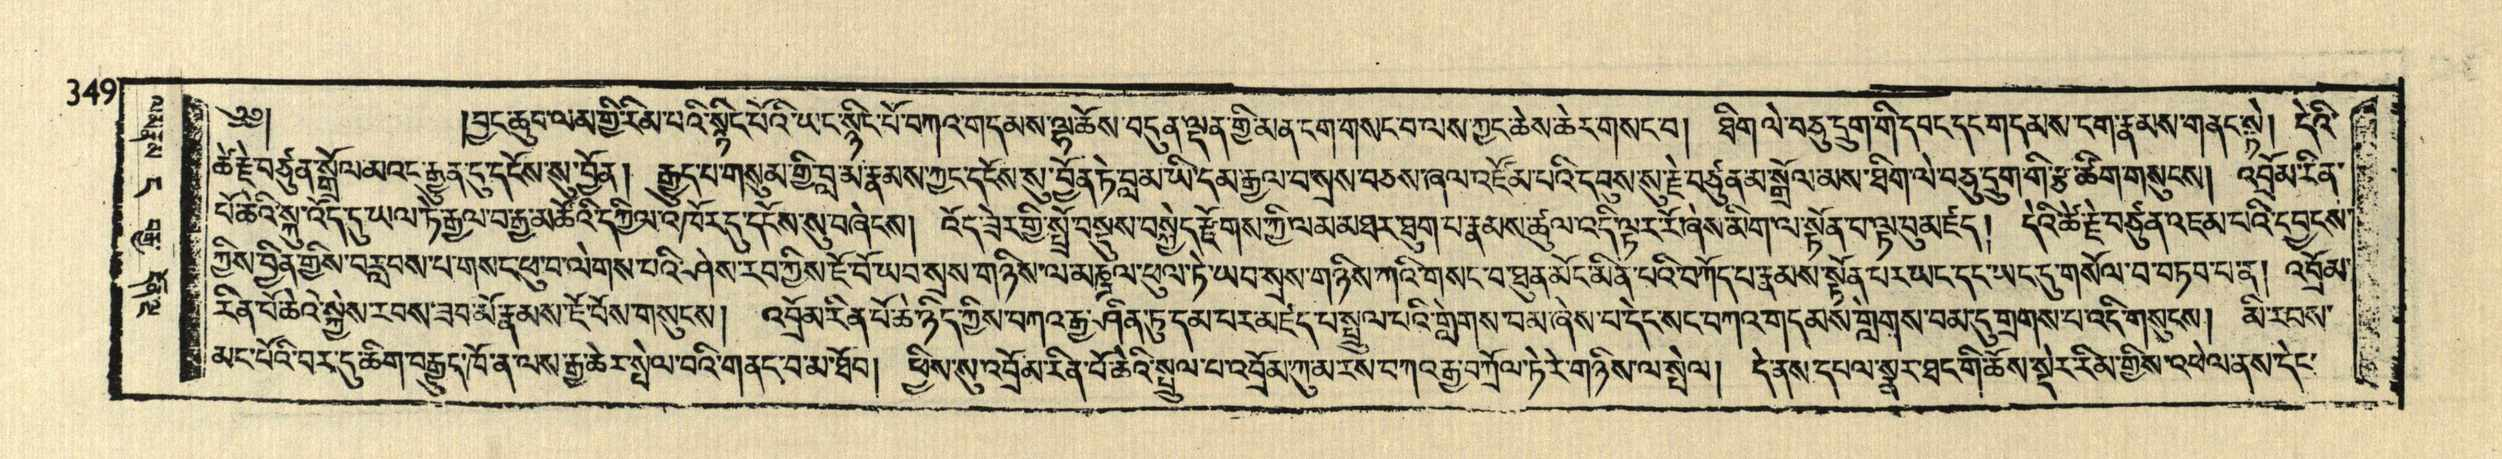༄༅། །བྱང་ཆུབ་ལམ་གྱི་རིམ་པའི་སྙིང་པོའི་ཡང་སྙིང་པོ་བཀའ་གདམས་ལྷ་ཆོས་བདུན་ལྡན་གྱི་མན་ངག་གསང་བ་ལས་ཀྱང་ཆེས་ཆེར་གསང་བ། ཐིག་ལེ་བཅུ་དྲུག་གི་དབང་དང་གདམས་ངག་རྣམས་གནང་སྟེ། དེའི་
ཚེ་རྗེ་བཙུན་སྒྲོལ་མའང་རྒྱུན་དུ་དངོས་སུ་བྱོན། རྒྱུད་པ་གསུམ་གྱི་བླ་མ་རྣམས་ཀྱང་དངོས་སུ་བྱོན་ཏེ་བླ་མ་ཡི་དམ་རྒྱལ་བ་སྲས་བཅས་ཞལ་འཛོམ་པའི་དབུས་སུ་རྗེ་བཙུན་མ་སྒྲོལ་མས་ཐིག་ལེ་བཅུ་དྲུག་གི་རྩ་ཚིགས་གསུངས། འབྲོམ་རིན་
པོ་ཆེའི་སྐུ་འོད་དུ་ཡལ་ཏེ་རྒྱལ་བ་རྒྱ་མཚོའི་དཀྱིལ་འཁོར་དུ་དངོས་སུ་བཞེངས། འོད་ཟེར་གྱི་སྤྲོ་བསྡུས་བསྐྱེད་རྫོགས་ཀྱི་ལམ་མཐར་ཐུག་པ་རྣམས་ཚུལ་འདི་ལྟར་རོ་ཞེས་མིག་ལ་སྟོན་པ་ལྟ་བུ་མཛད། དེའི་ཚེ་རྗེ་བཙུན་འཇམ་པའི་དབྱངས་
ཀྱིས་བྱིན་གྱིས་བརླབས་པ་གསང་ཕུ་བ་ལེགས་པའི་ཤེས་རབ་ཀྱིས་ཇོ་བོ་ཡབ་སྲས་གཉིས་ལ་མཎྜལ་ཕུལ་ཏེ་ཡབ་སྲས་གཉིས་ཀའི་གསང་བ་ཐུན་མོང་མིན་པའི་བཀོད་པ་རྣམས་སྟོན་པར་ཡང་དང་ཡང་དུ་གསོལ་བ་བཏབ་པ་ན། འབྲོམ་
རིན་པོ་ཆེའི་སྐྱེས་རབས་ཟབ་མོ་རྣམས་ཇོ་བོས་གསུངས། འབྲོམ་རིན་པོ་ཆེ་ཉིད་ཀྱིས་བཀའ་རྒྱ་ཤིན་ཏུ་དམ་པར་མཛད་པ་སྤྲུལ་པའི་གླེགས་བམ་ཞེས་པ་དེང་སང་བཀའ་གདམས་གླེགས་བམ་དུ་གྲགས་པ་འདི་གསུངས། མི་རབས་
མང་པོའི་བར་དུ་ཚིག་བརྒྱུད་ཁོ་ན་ལས་རྒྱ་ཆེར་སྤེལ་བའི་གནང་བ་མ་ཐོབ། ཕྱིས་སུ་འབྲོམ་རིན་པོ་ཆེའི་སྤྲུལ་པ་འབྲོམ་ཀུ་མ་རས་བཀའ་རྒྱ་བཀྲོལ་ཏེ་རེ་གཉིས་ལ་སྤེལ། དེ་ནས་དཔལ་སྣར་ཐང་གི་ཆོས་སྡེར་རིམ་གྱིས་འཕེལ་ནས་དེང་